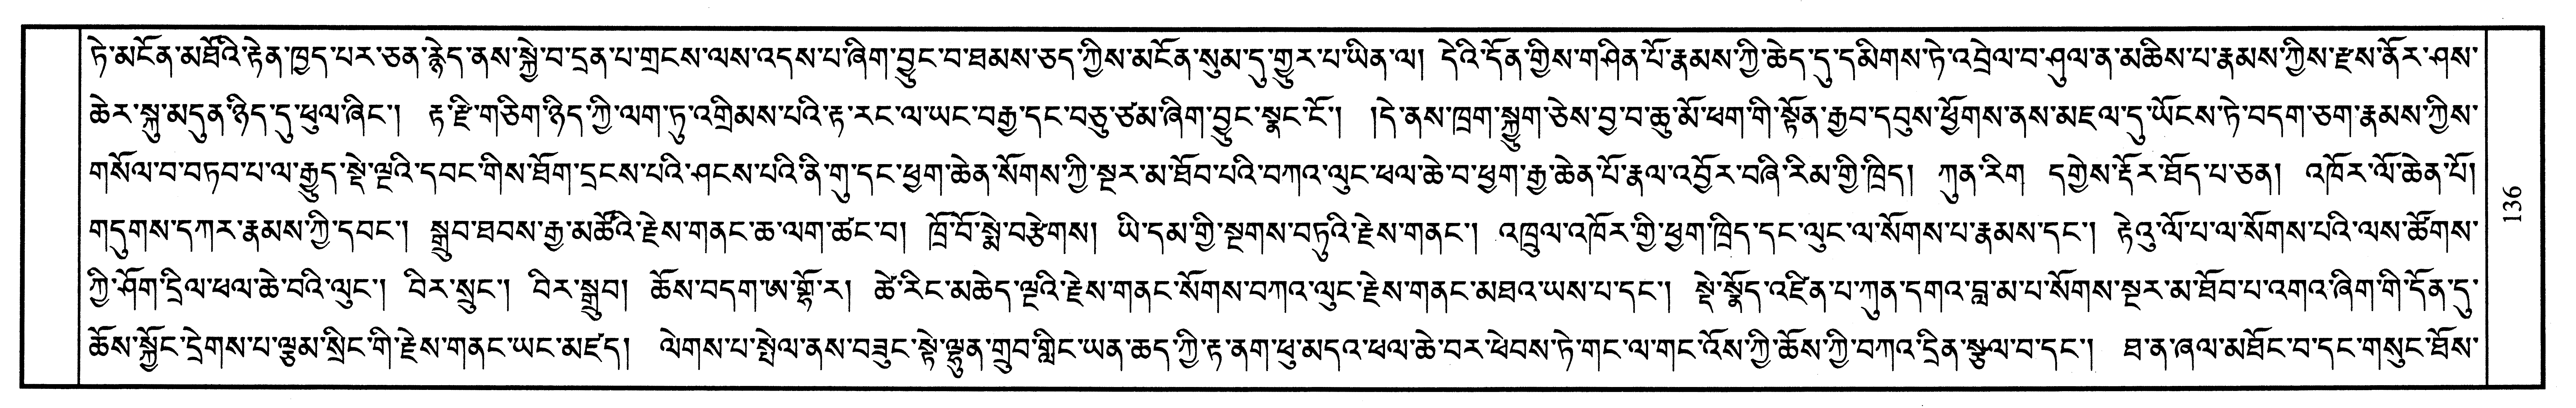ཏེ་མངོན་མཐོའི་རྟེན་ཁྱད་པར་ཅན་རྙེད་ནས་སྐྱེ་བ་དྲན་པ་གྲངས་ལས་འདས་པ་ཞིག་བྱུང་བ་ཐམས་ཅད་ཀྱིས་མངོན་སུམ་དུ་གྱུར་པ་ཡིན་ལ། དེའི་དོན་གྱིས་གཤིན་པོ་རྣམས་ཀྱི་ཆེད་དུ་དམིགས་ཏེ་འབྲེལ་བ་ཤུལ་ནས་མཆིས་པ་རྣམས་ཀྱིས་རྫས་ནོར་ཤས་
ཆེར་སྐུ་མདུན་ཉིད་དུ་ཕུལ་ཞིང་། རྟ་རྫི་གཅིག་ཉིད་ཀྱི་ལག་ཏུ་འགྲིམས་པའི་རྟ་རང་ལ་ཡང་བརྒྱ་དང་བཅུ་ཙམ་ཞིག་བྱུང་སྣང་ངོ། །དེ་ནས་ཁྲག་སྐྱུག་ཅེས་བྱ་བ་ཆུ་མོ་ཕག་གི་སྟོན་རྒྱབ་དབུས་ཕྱོགས་ནས་མཇལ་དུ་ཡོངས་ཏེ་བདག་ཅག་རྣམས་ཀྱིས་
གསོལ་བ་བཏབ་པ་ལ་རྒྱུད་སྡེ་ལྔའི་དབང་གི་ཐོག་དྲངས་པའི་ཤངས་པའི་ནི་གུ་དང་ཕྱག་ཆེན་སོགས་ཀྱི་སྔར་མ་ཐོབ་པའི་བཀའ་ལུང་ཕལ་ཆེ་བ་ཕྱག་རྒྱ་ཆེན་པོ་རྣལ་འབྱོར་བཞི་རིམ་གྱི་ཁྲིད། ཀུན་རིག་དགྱེས་རྡོར་ཐོད་པ་ཅན། འཁོར་ལོ་ཆེན་པོ།
གདུགས་དཀར་རྣམས་ཀྱི་དབང་། སྒྲུབ་ཐབས་རྒྱ་མཚོའི་རྗེས་གནང་ཆ་ལག་ཚང་བ། ཁྲོ་བོ་སྨེ་བརྩེགས། ཡི་དམ་གྱི་སྔགས་བཏུའི་རྗེས་གནང་། འཁྲུལ་འཁོར་གྱི་ཕྱག་ཁྲིད་དང་ལུང་ལ་སོགས་པ་རྣམས་དང་། རྟེའུ་ལོ་པ་ལ་སོགས་པའི་ལས་ཚོགས་
ཀྱི་ཤིག་དྲིལ་ཕལ་ཆེ་བའི་ལུང་། བིར་སྲུང་། བིར་སྒྲུབ། ཆོས་བདག་ཨ་གྷོ་ར། ཚེ་རིང་མཆེད་ལྔའི་རྗེས་གནང་སོགས་བཀའ་ལུང་རྗེས་གནང་མཐའ་ཡས་པ་དང་། སྡེ་སྣོད་འཛིན་པ་ཀུན་དགའ་བླ་མ་པ་སོགས་སྔར་མ་ཐོབ་པ་འགའ་ཞིག་གི་དོན་དུ་
ཆོས་སྐྱོང་དྲེགས་པ་ལྕམ་སྲིང་གི་རྗེས་གནང་ཡང་མཛད། ལེགས་པ་སྤེལ་ནས་བཟུང་སྟེ་ལྷུན་གྲུབ་གླིང་ཡན་ཆད་ཀྱི་རྟ་ནག་ཕུ་མདའ་ཕལ་ཆེ་བར་ཕེབས་ཏེ་གང་ལ་གང་འོས་ཀྱི་ཆོས་ཀྱི་བཀའ་དྲིན་སྩལ་བ་དང་། ཐ་ན་ཞལ་མཐོང་བ་དང་གསུང་ཐོས་